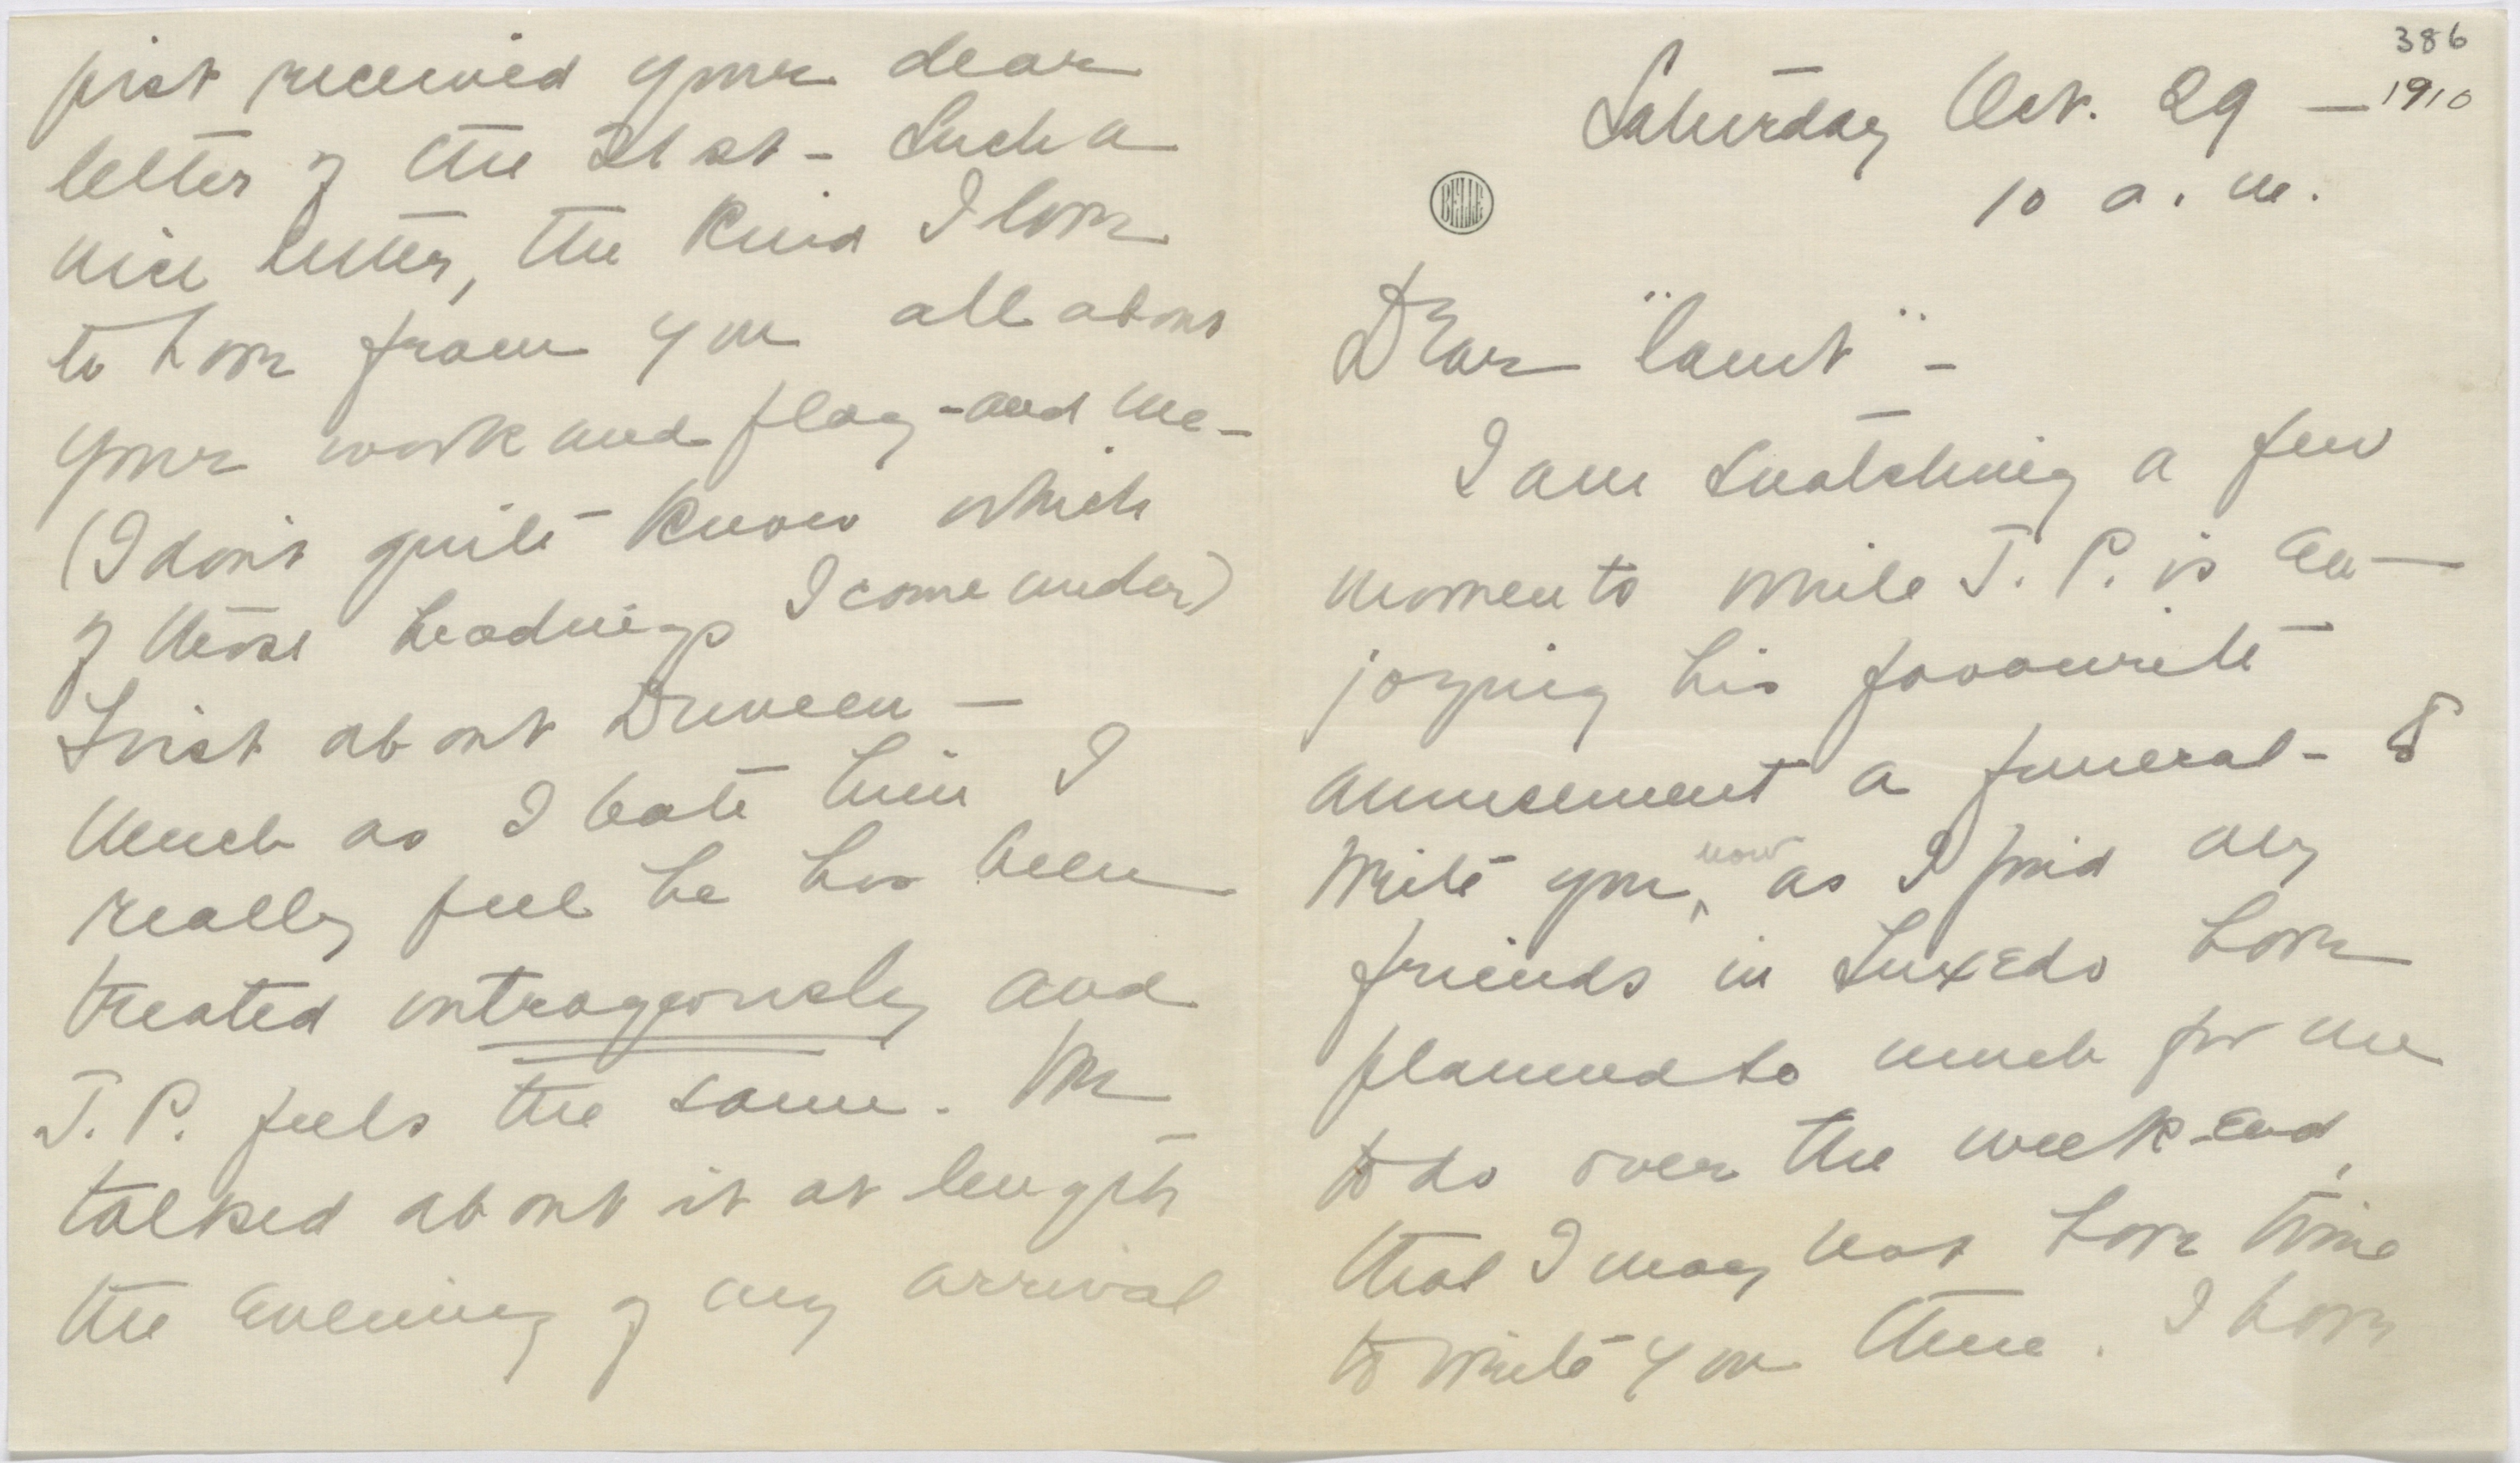Saturday Oct. 29 –
10 a.m.
Dear “lamb” –
I am snatching a few moments while J. P. is enjoying his favourite amusement a funeral – to write you [^now^] as I find my friends in Tuxedo have planned so much for me to do over the week-end, that I may not have time to write you there. I have
just received your dear letter of the 21st – Such a nice letter, the kind I love to have from you all about your work and play – and me – (I don’t quite know which of those headings I come under) First about Duveen – Much as I hate him I really feel he has been treated [double underlined: outrageously] and J. P. feels the same. We talked about it at length the evening of my arrival